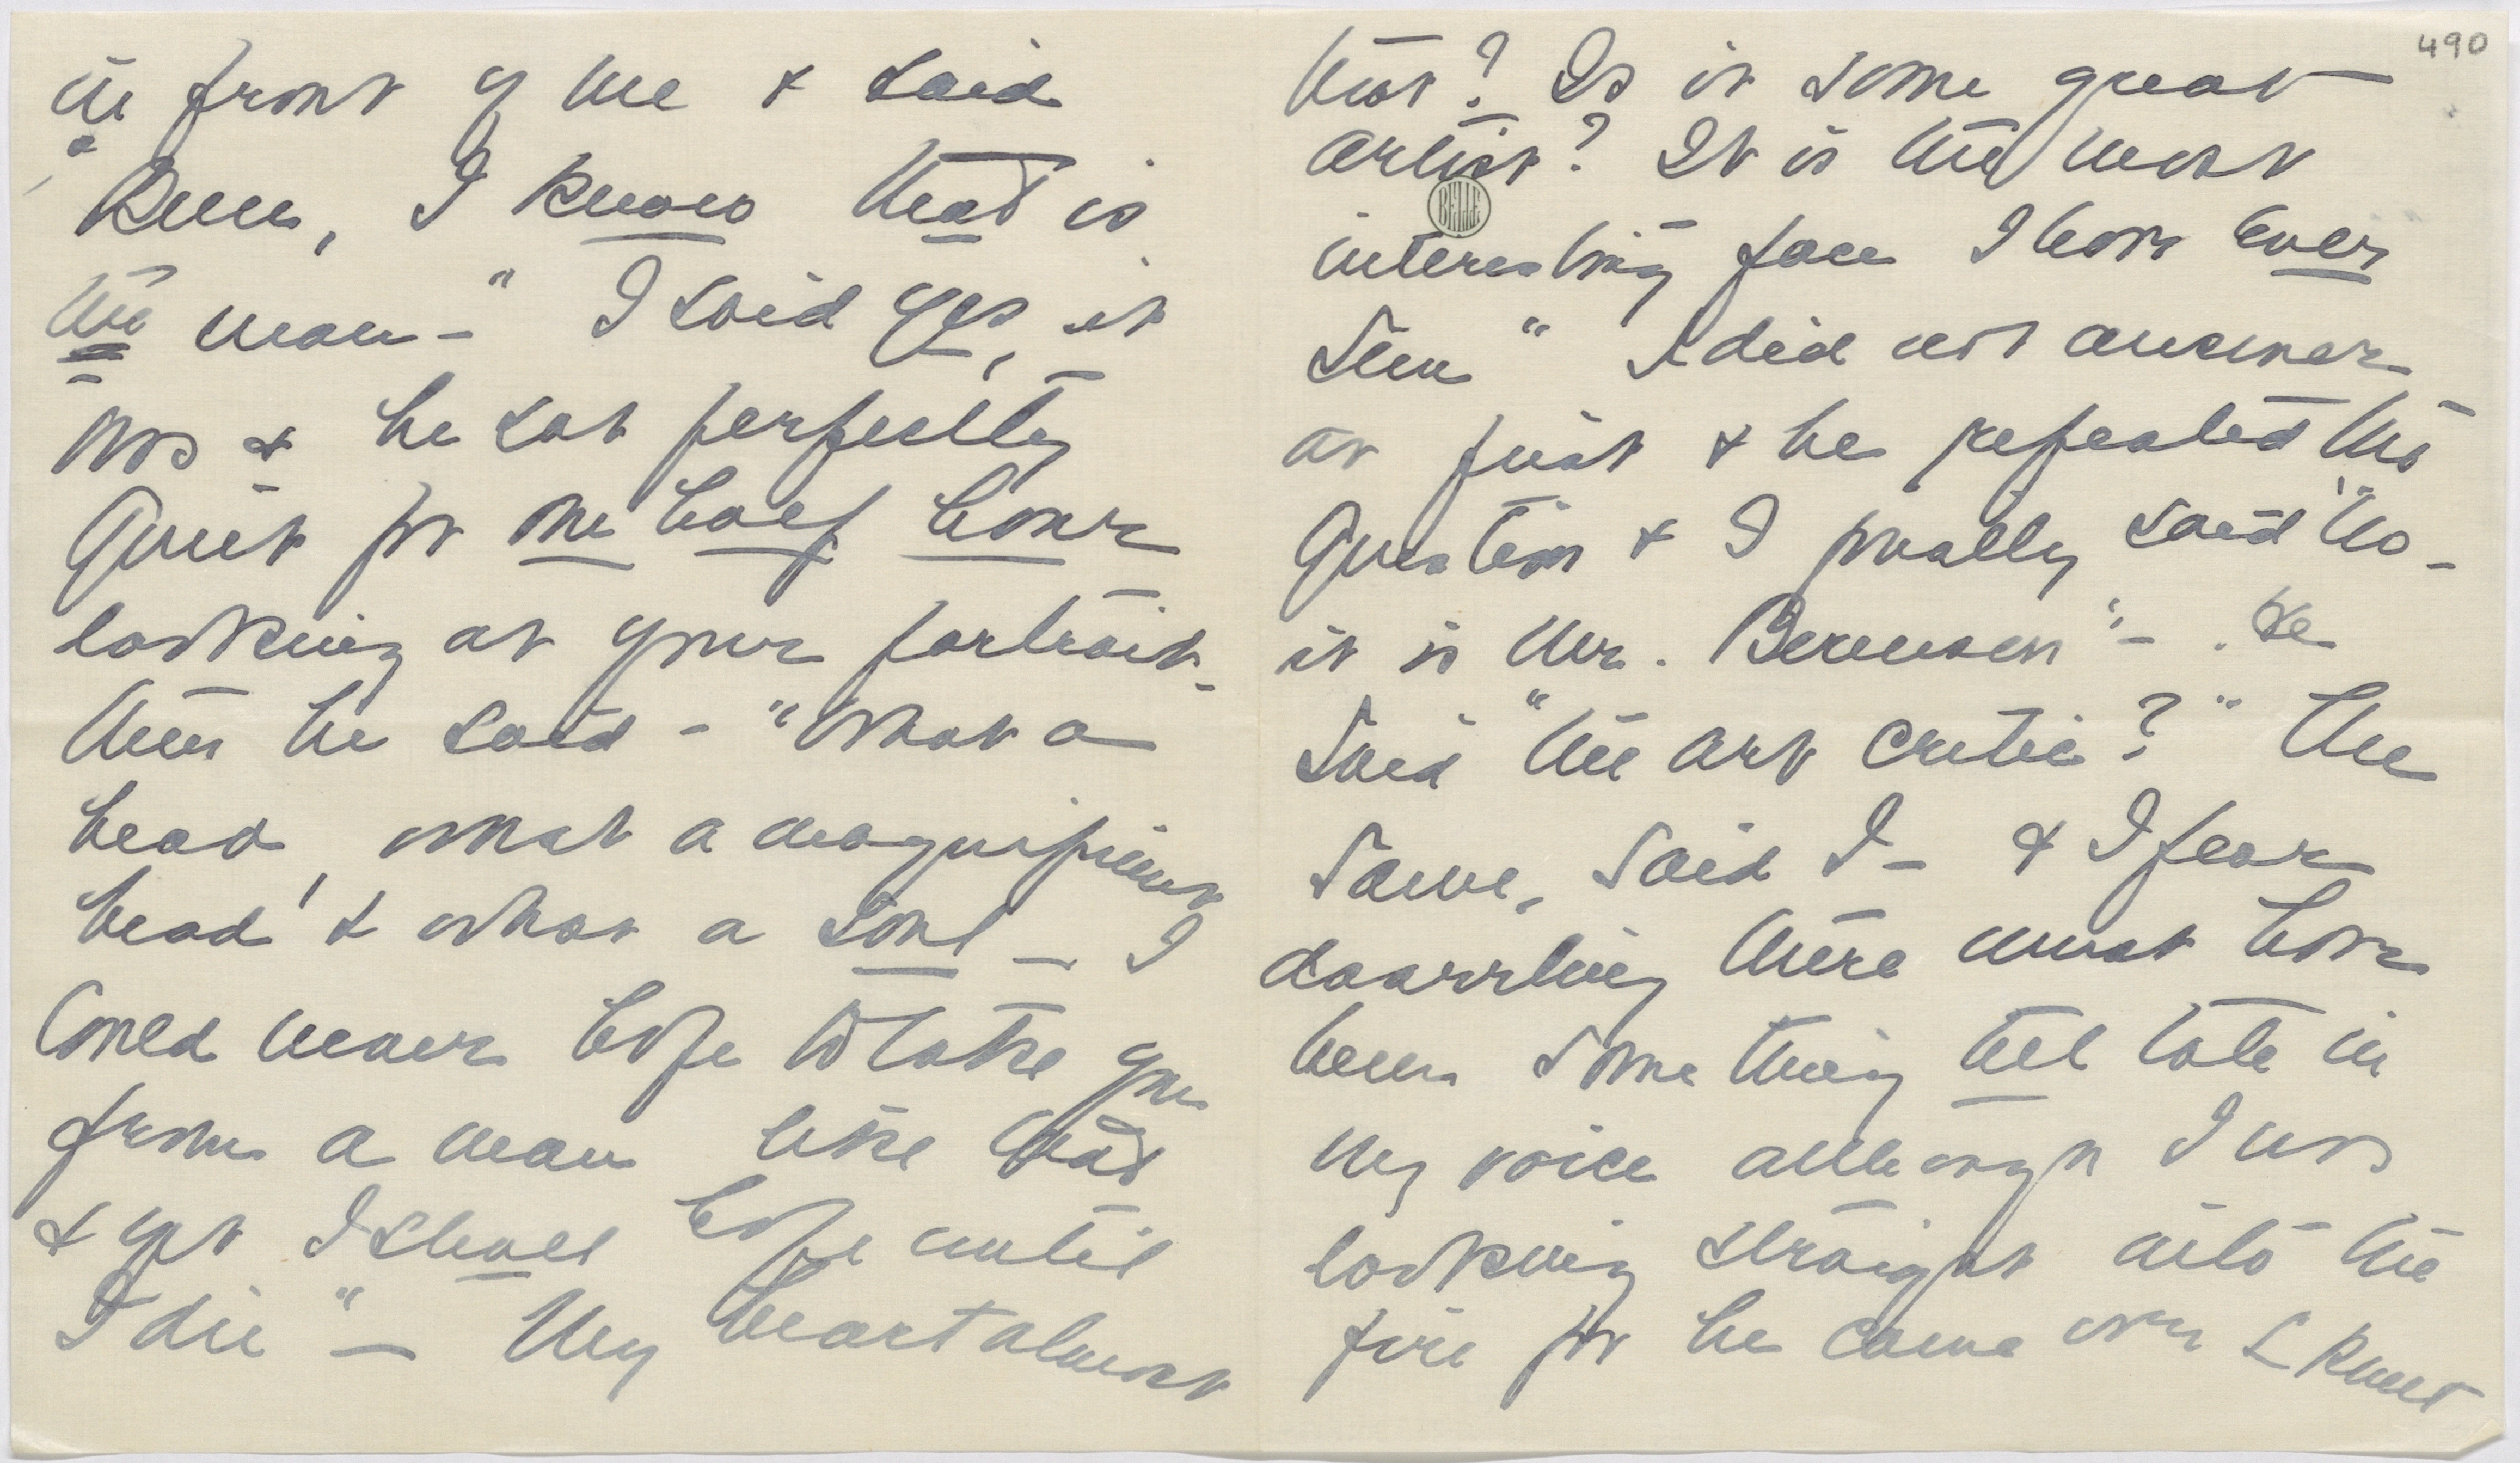that? Is it some great artist? It is the most interesting face I have ever seen” I did not answer at first & he repeated the question & I finally said “No – it is Mr. Berenson” – He said “the art critic?” The same, said I – & I fear daarrling there must have been some thing tell tale in my voice although I was looking straight into the fire for he came over & knelt
in front of me & said “Belle, I know that is [triple underlined: the] man –” I said yes, it was & he sat perfectly quiet for one half hour looking at your portrait – then he said – “What a head, what a magnificent head & what a soul – I could never hope to take you from a man like that & yet I shall hope until I die” – My heart almost